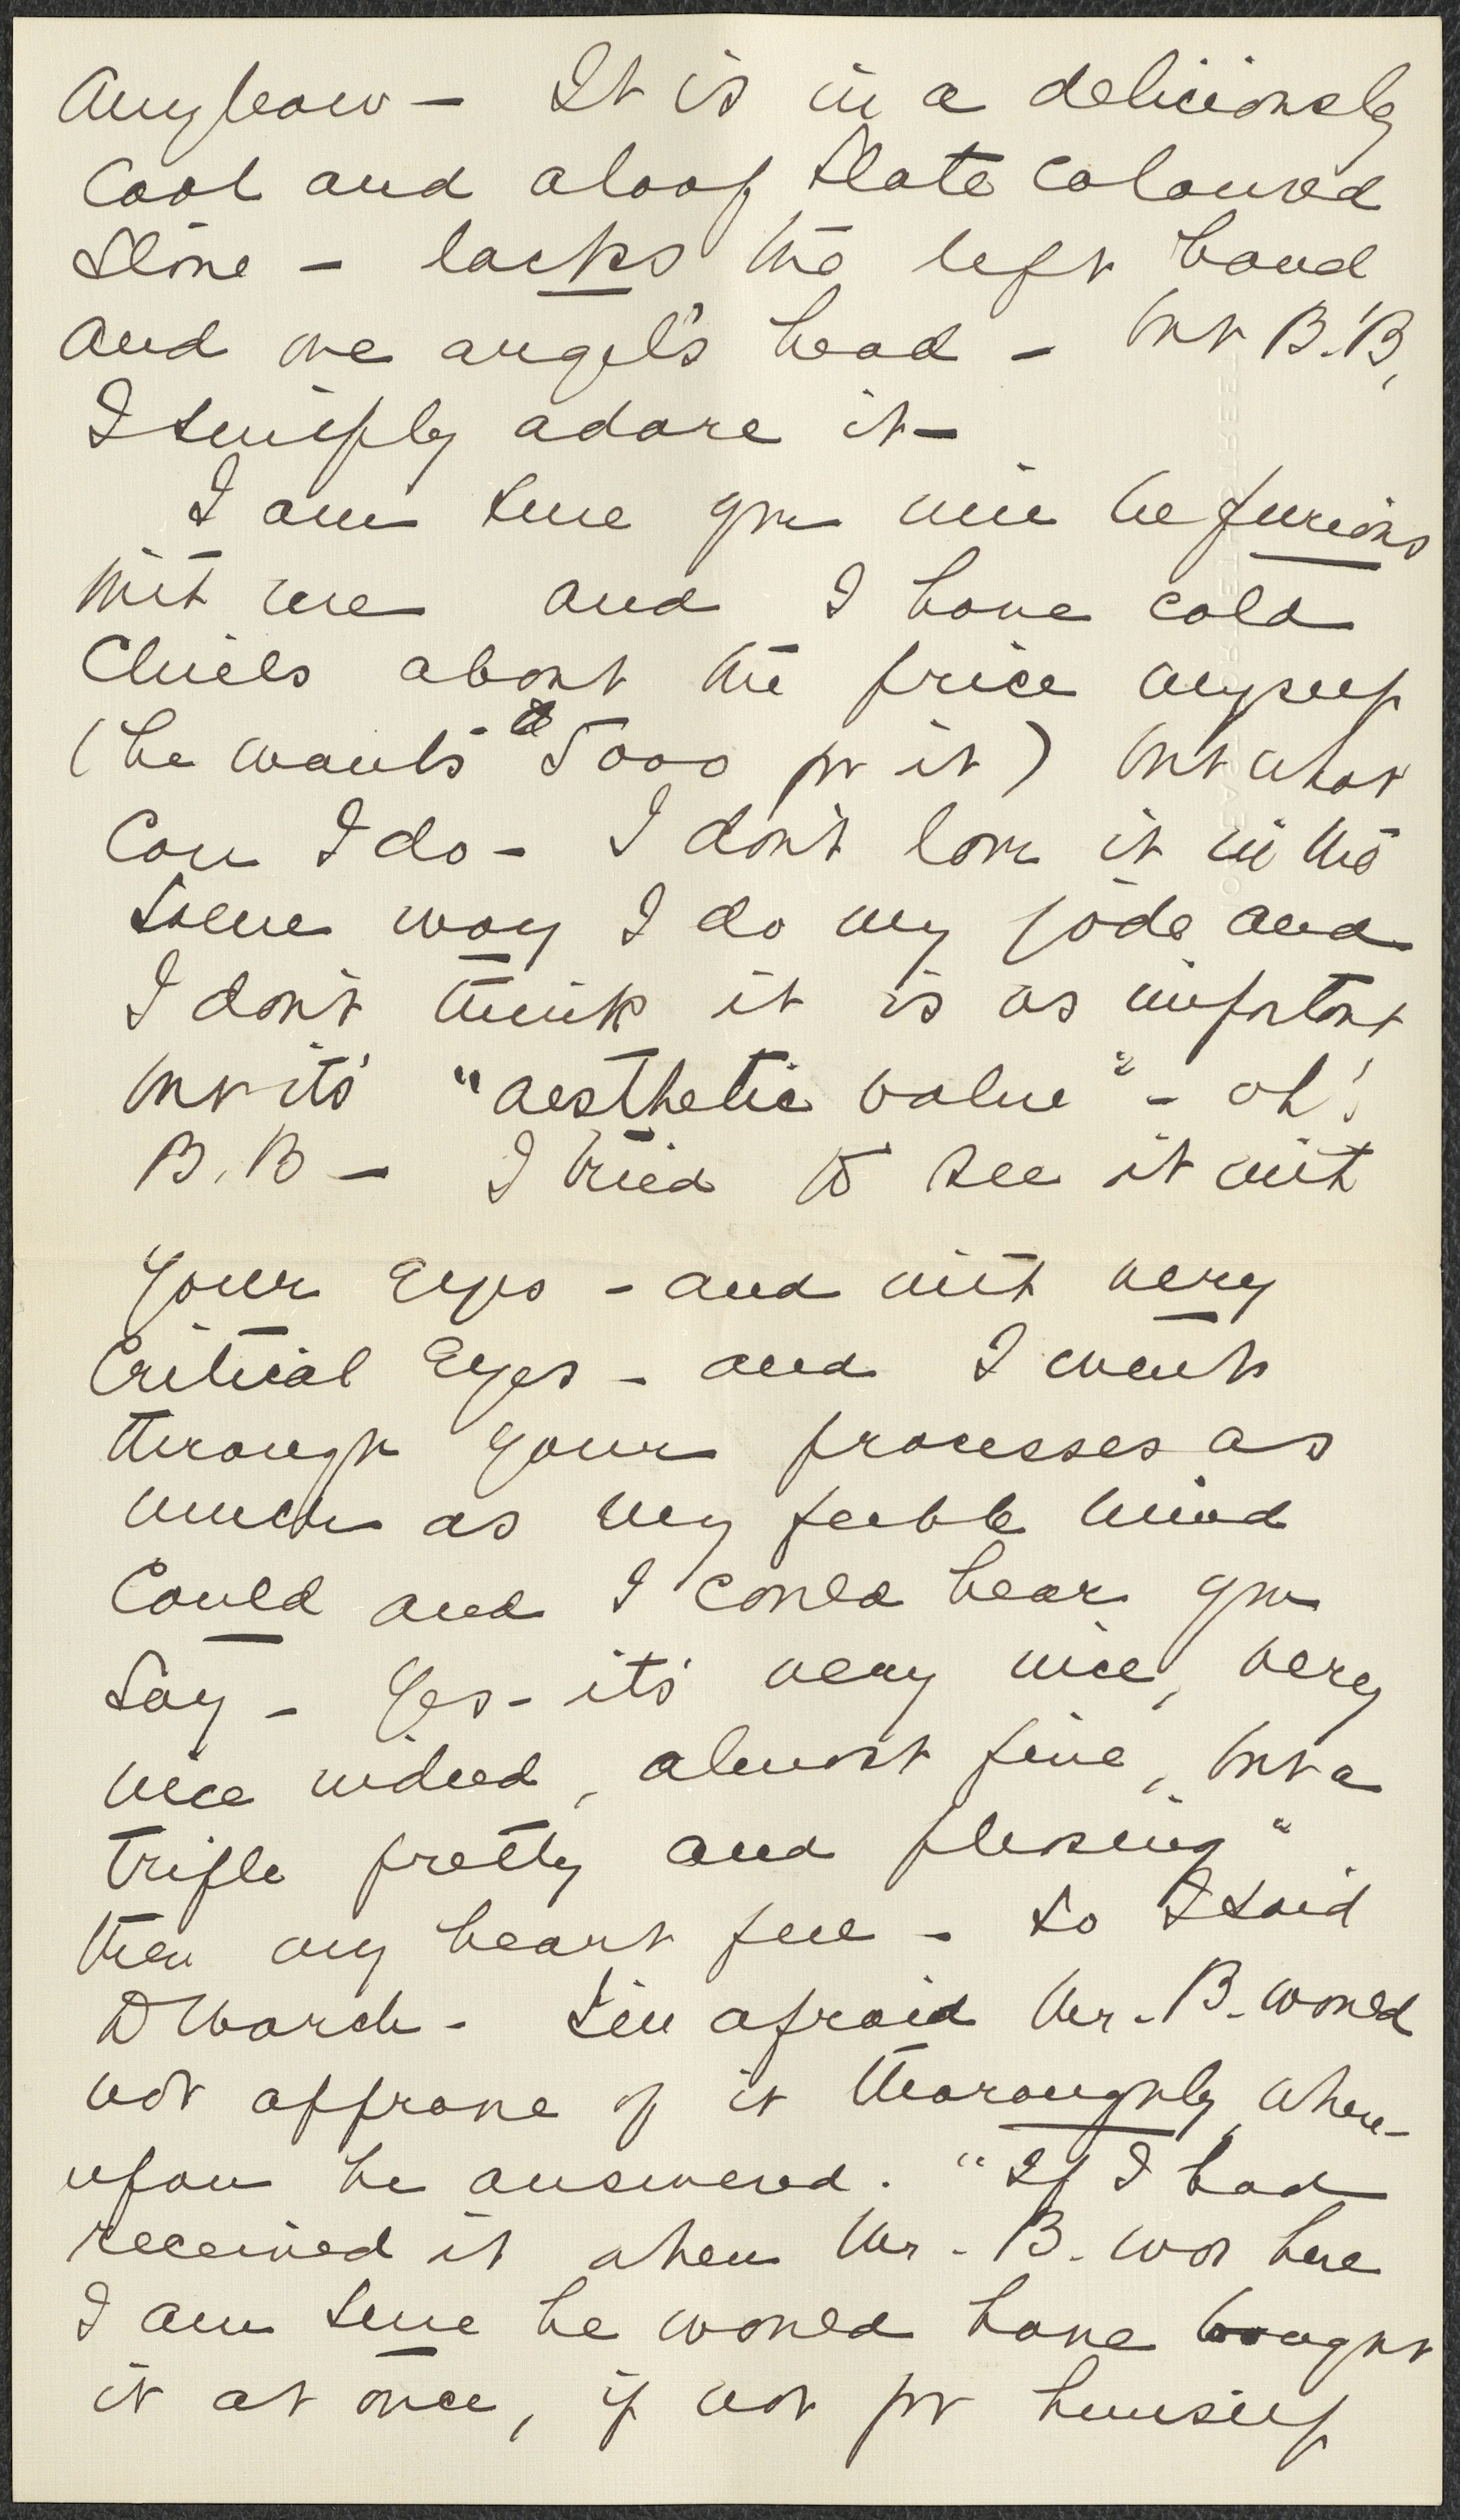anyhow – It is in a deliciously cool and aloof slate coloured stone – lacks the left hand and one angel’s head – but B.B. I simply adore it –
I am sure you will be furious with me and I have cold chills about the price myself (he wants $5000 for it) but what can I do – I don’t love it in the same way I do my jade and I don’t think it is as important but its “aesthetic value” – oh! B.B. – I tried to see it with your eyes – and with very critical eyes – and I went through your processes as much as my feeble mind could and I could hear you say – Yes – it’s very nice, very nice indeed, almost fine, but a trifle pretty and pleasing” then my heart fell – so I said to Worch – I’m afraid Mr. B. would not approve of it thoroughly whereupon he answered. “If I had received it when Mr. B. was here I am sure he would have bought it at once, if not for himself